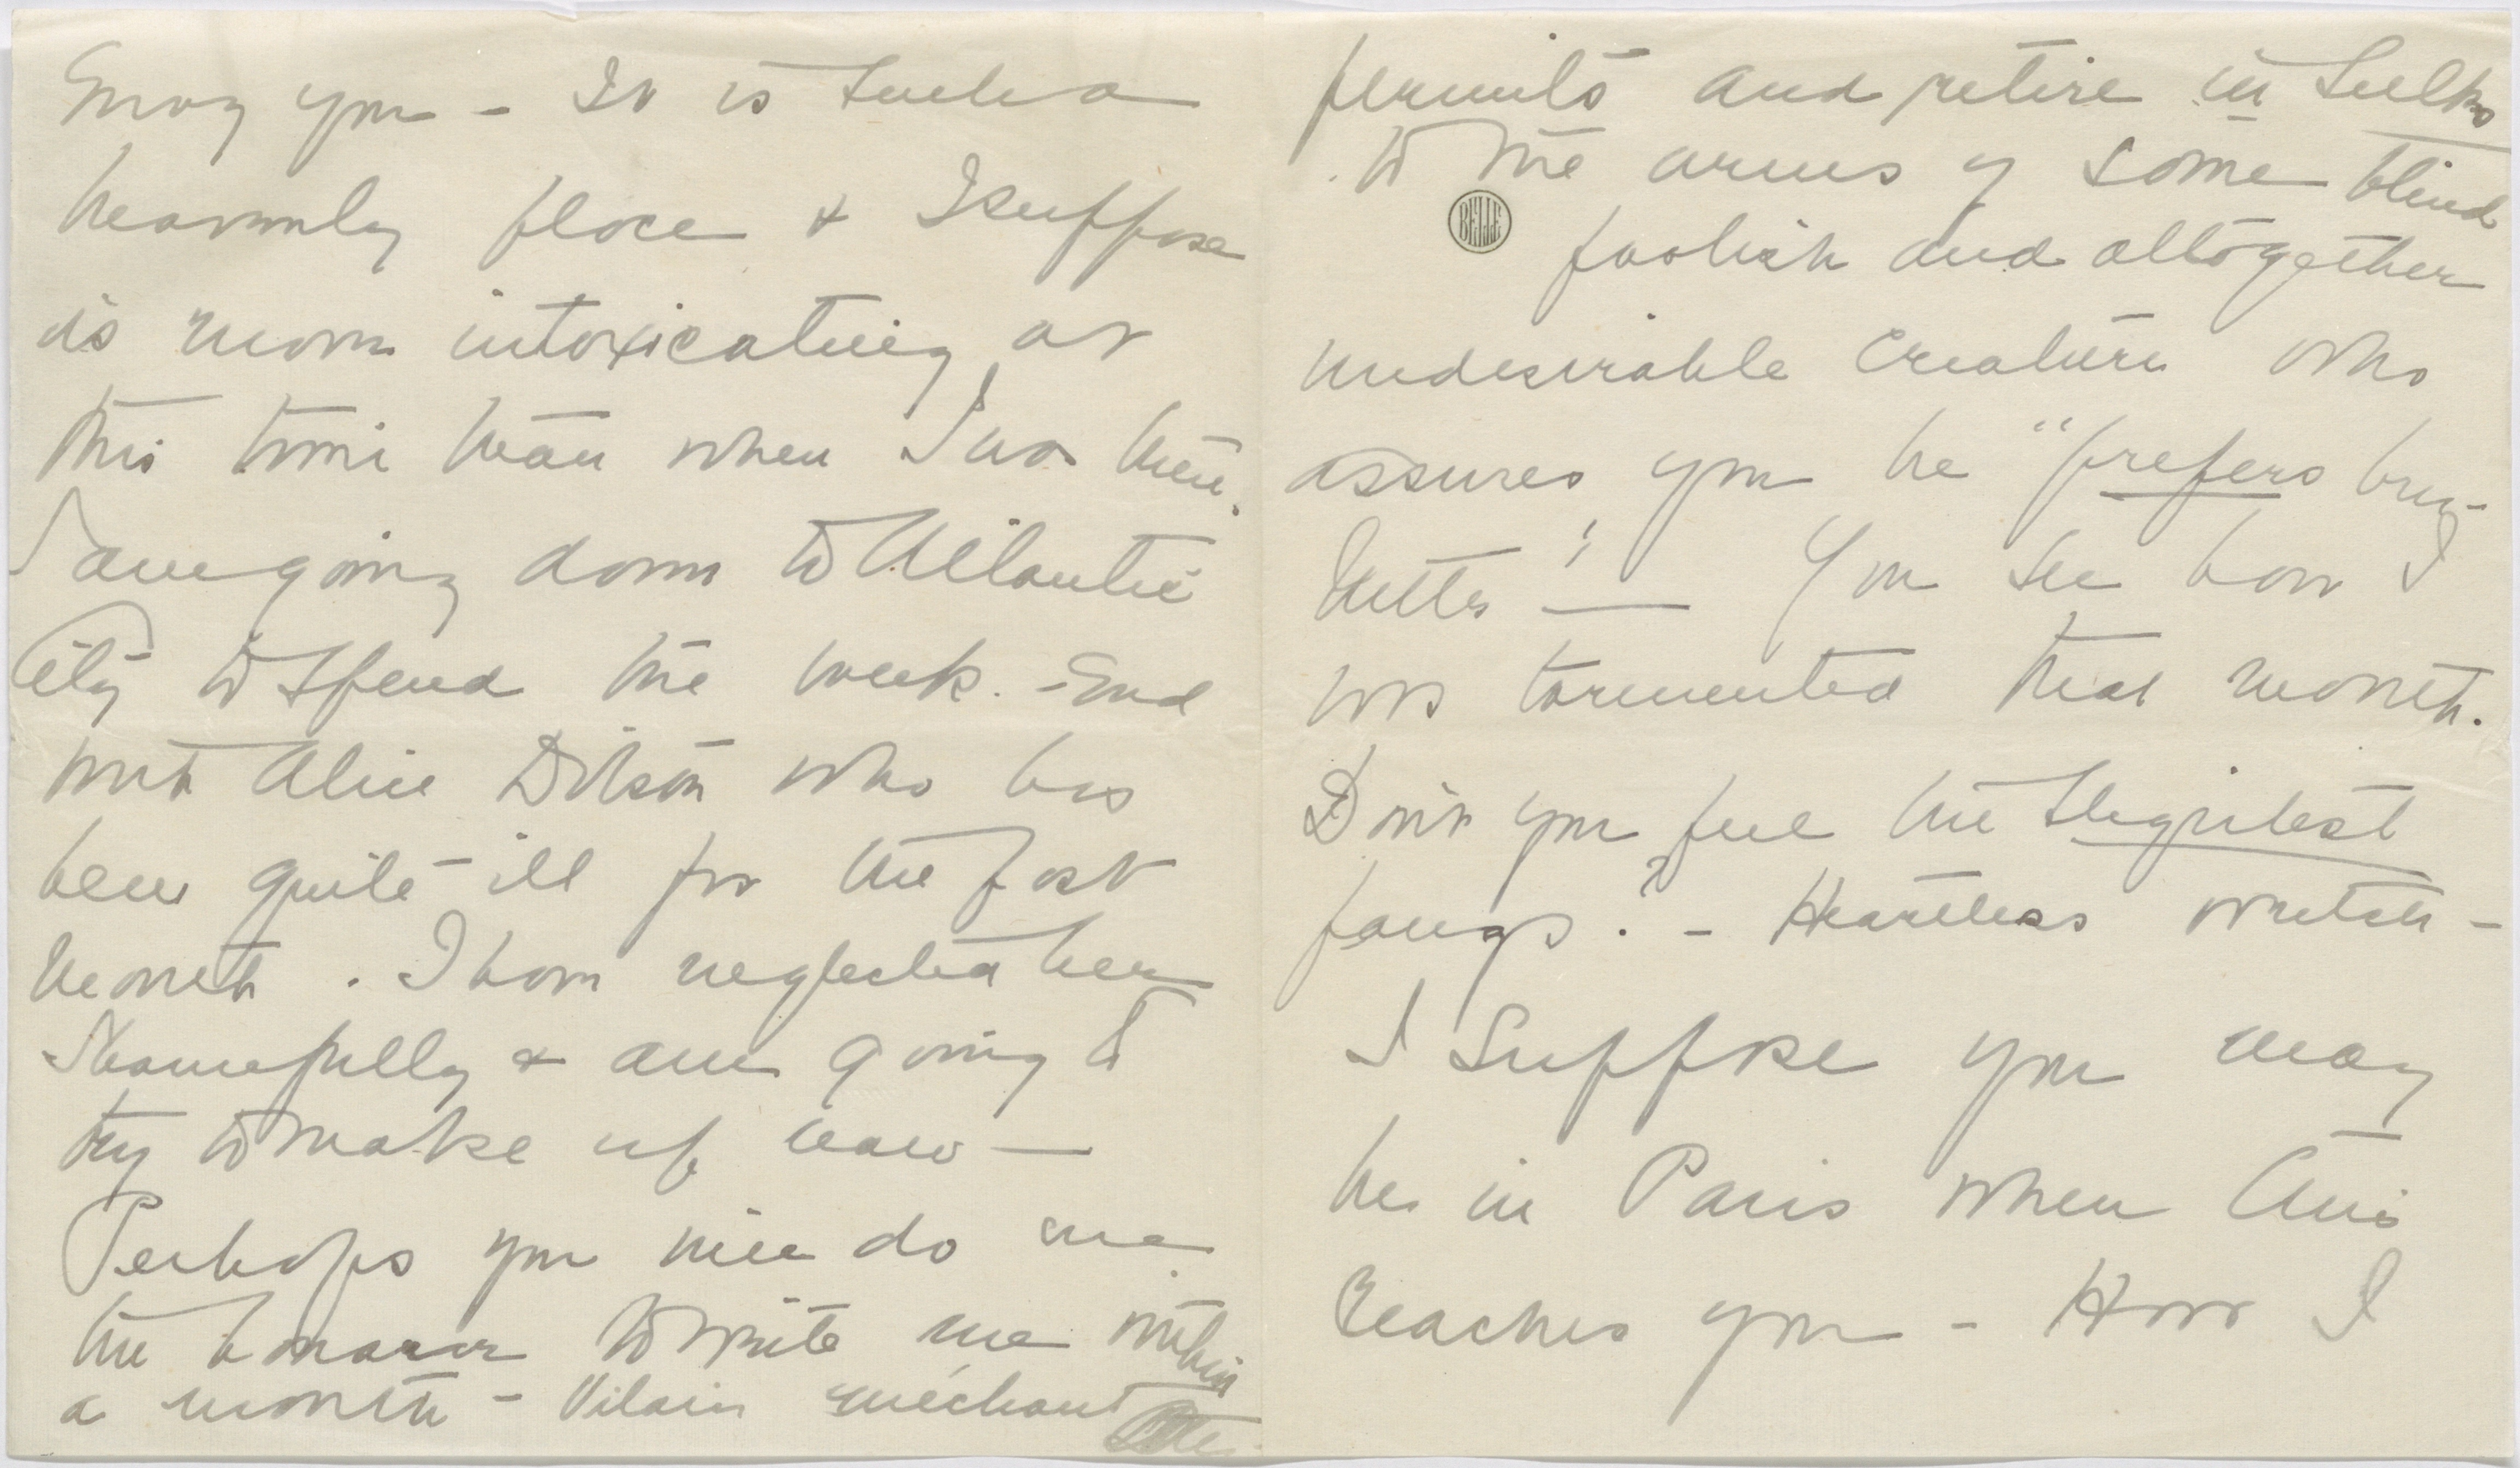permits and retire in sulks to the arms of some blind foolish and altogether undesirable creature who assures you he “prefers brunettes” – You see how I was tormented that month. Don’t you feel the slightest pangs? – Heartless wretch – I suppose you may be in Paris when this reaches you – How I
envy you – It is such a heavenly place & I suppose is more intoxicating at this time than when I was there. I am going down to Atlantic City to spend the week-end with Alice Ditson who has been quite ill for the past month. I have neglected her shamefully & am going to try to make up now – Perhaps you will do me the honouer [sic] to write me within a month – vilain [sic] méchant
Belle.